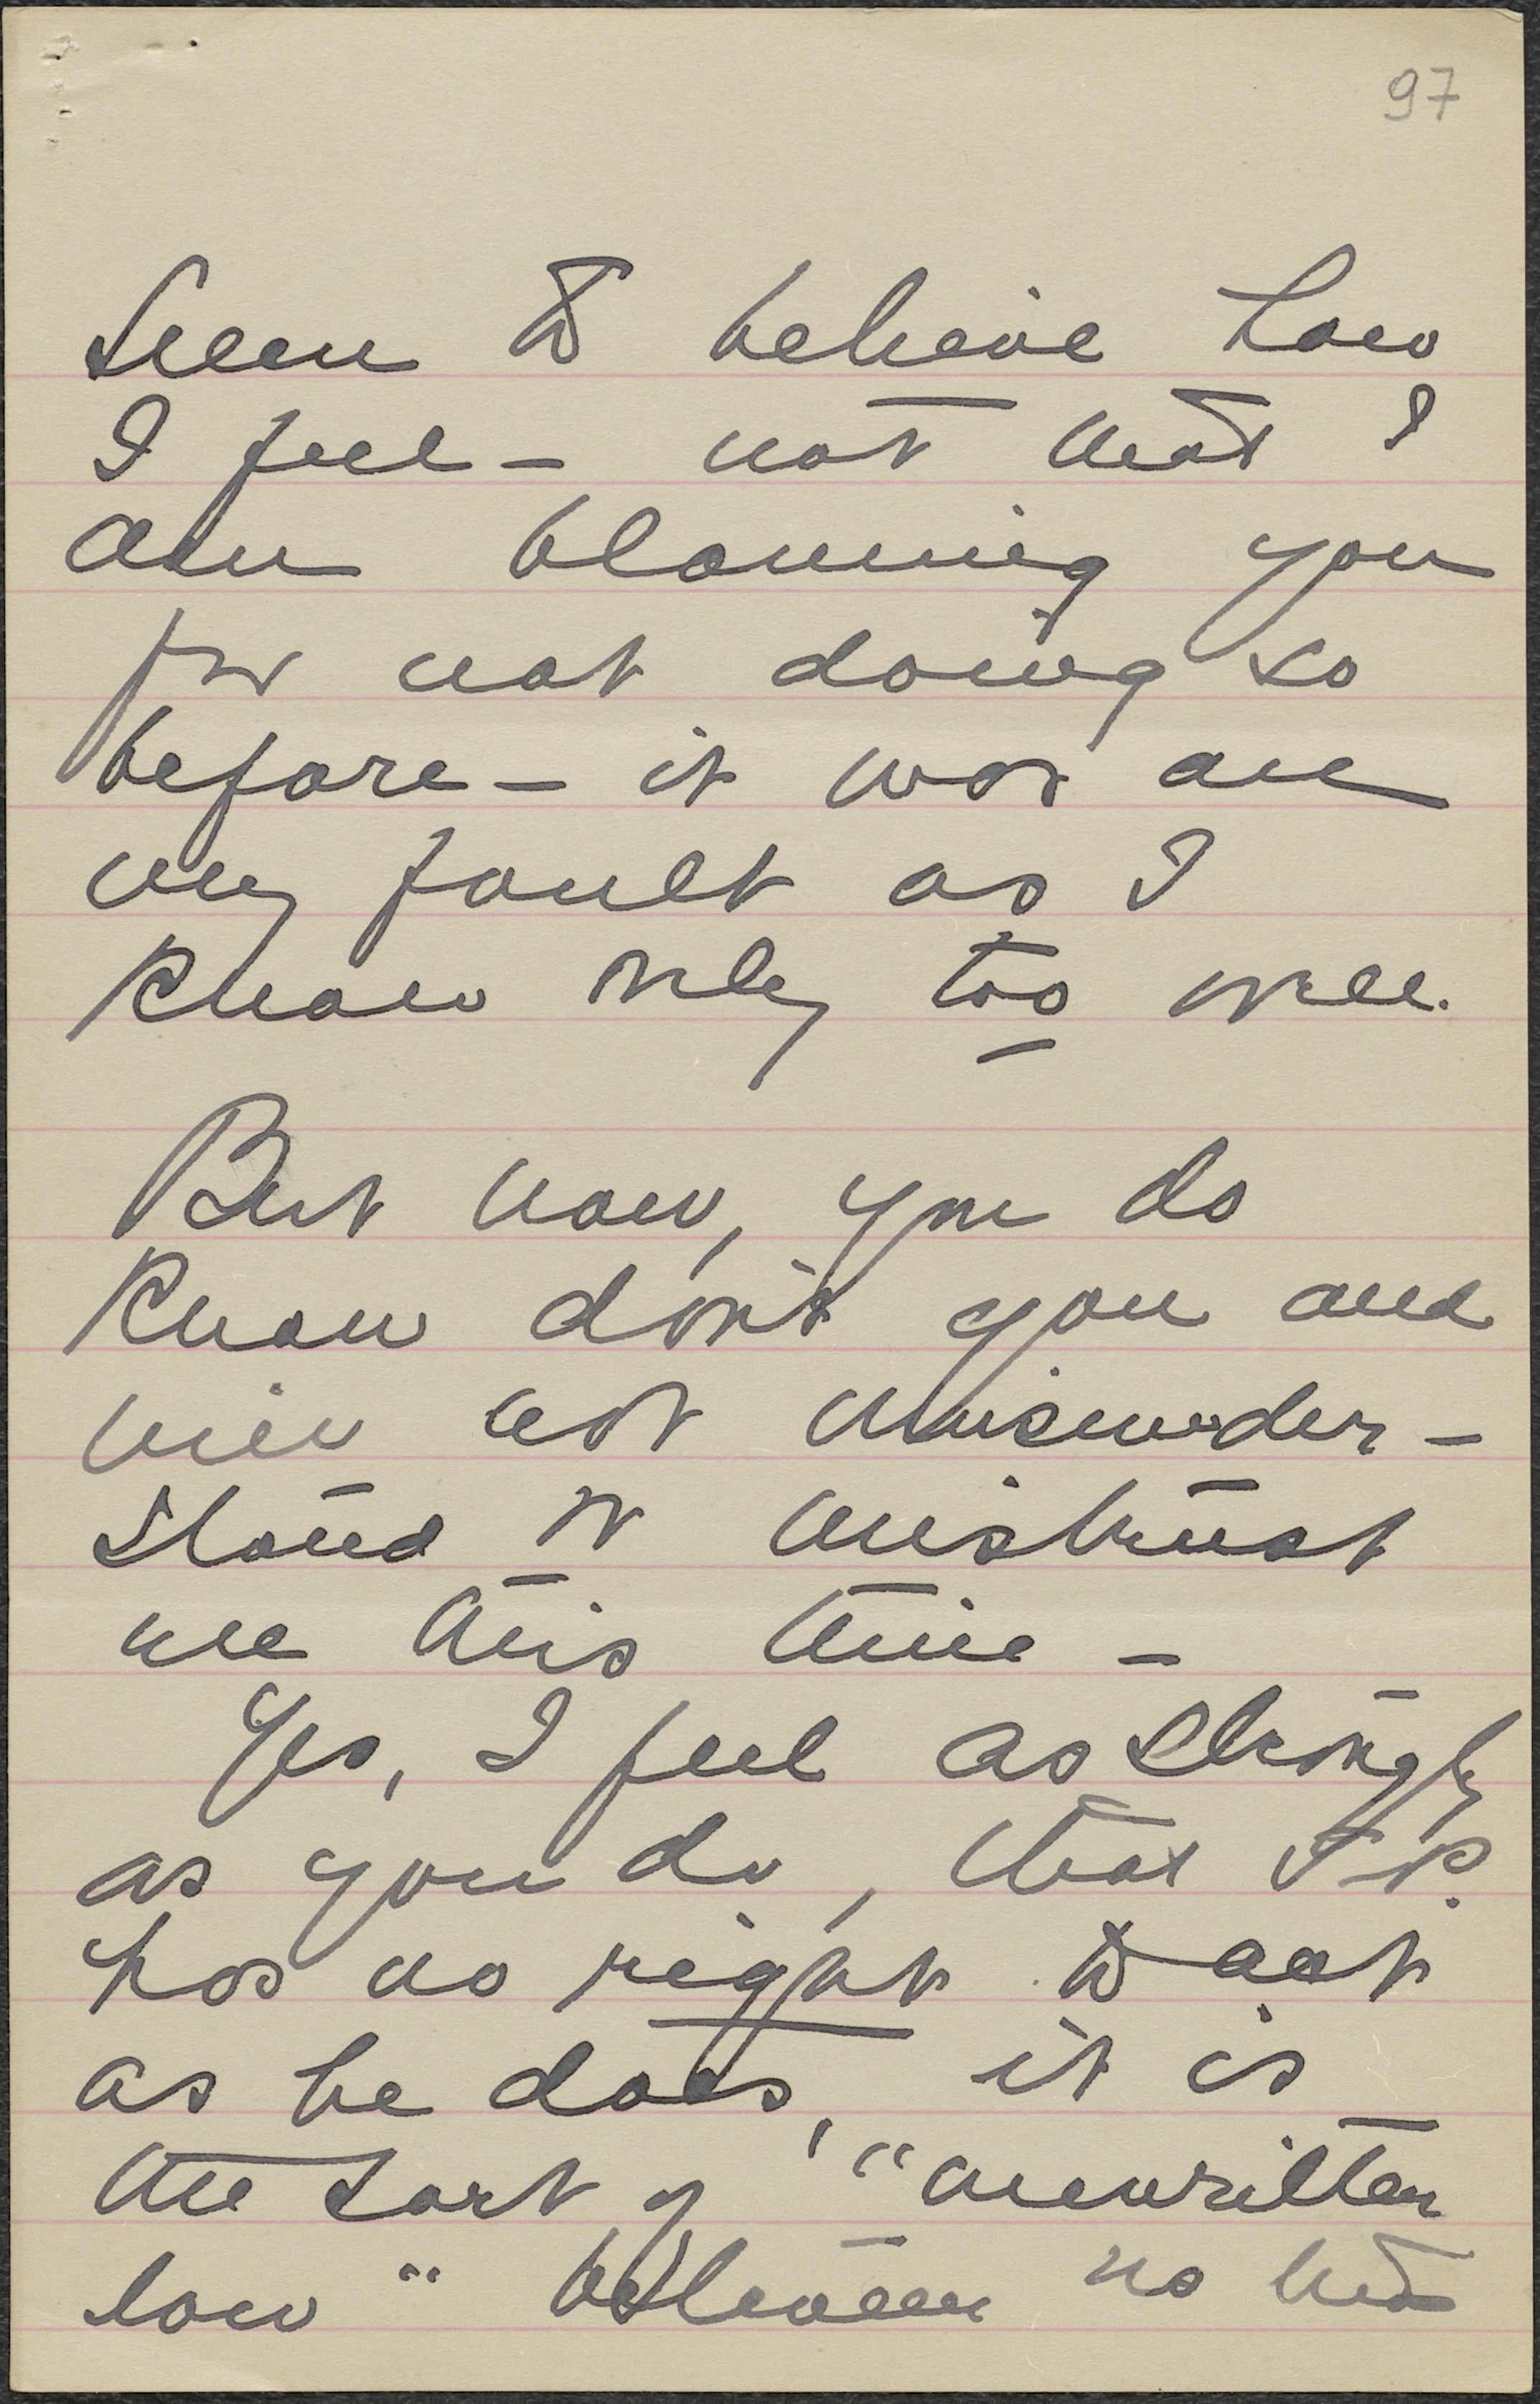seem to believe how I feel – not that I am blaming you for not doing so before – it was all my fault as I know only too well.
But now, you do know don’t you and will not misunderstand or mistrust me this time –
Yes, I feel so strongly as you do, that J. P. has no right to act as he does, it is the sort of “unwritten law” between us that